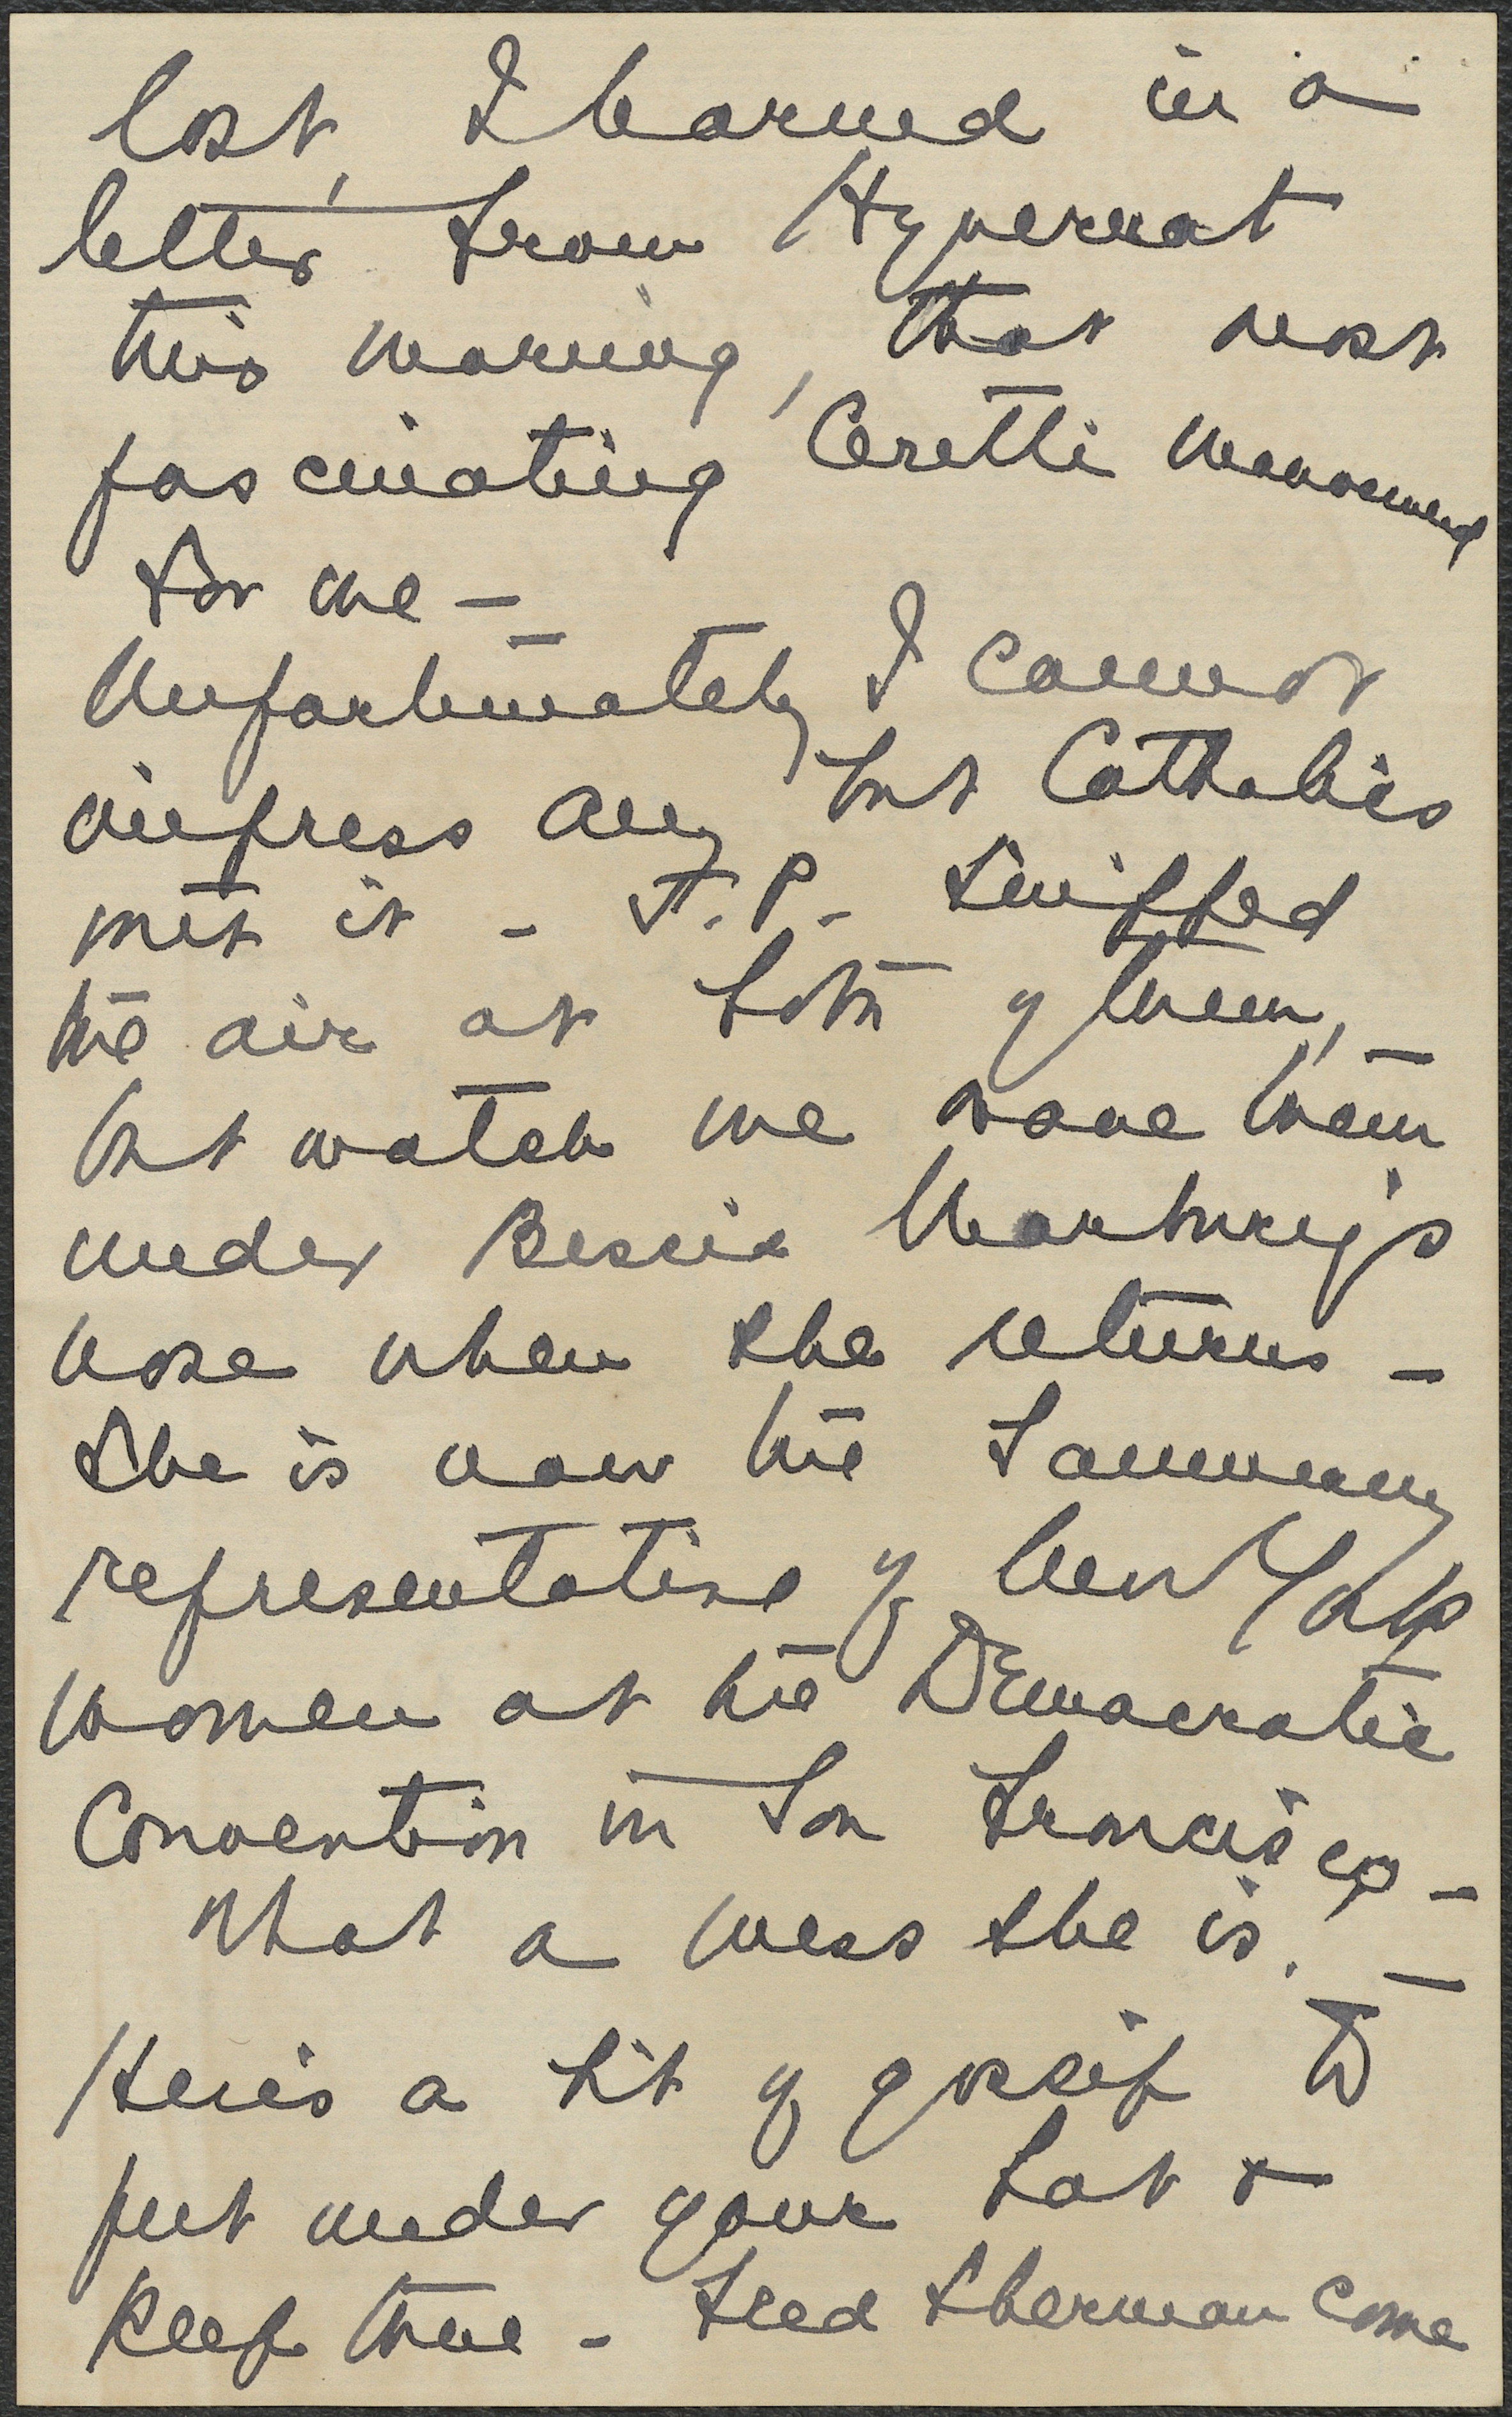last, I learned in a letter from Hyvernat this morning, that most fascinating Ceretti manuscript for me –
Unfortunately I cannot impress any but Catholics with it – J.P. sniffed the air at both of them, but watch me wave them under Bessie Marbury's nose when she returns – She is now the Tammany representative of New York women at the Democratic Convention in San Francisco – What a mess she is! –
Here’s a bit of gossip to put under your hat & keep there – Fred Sherman came